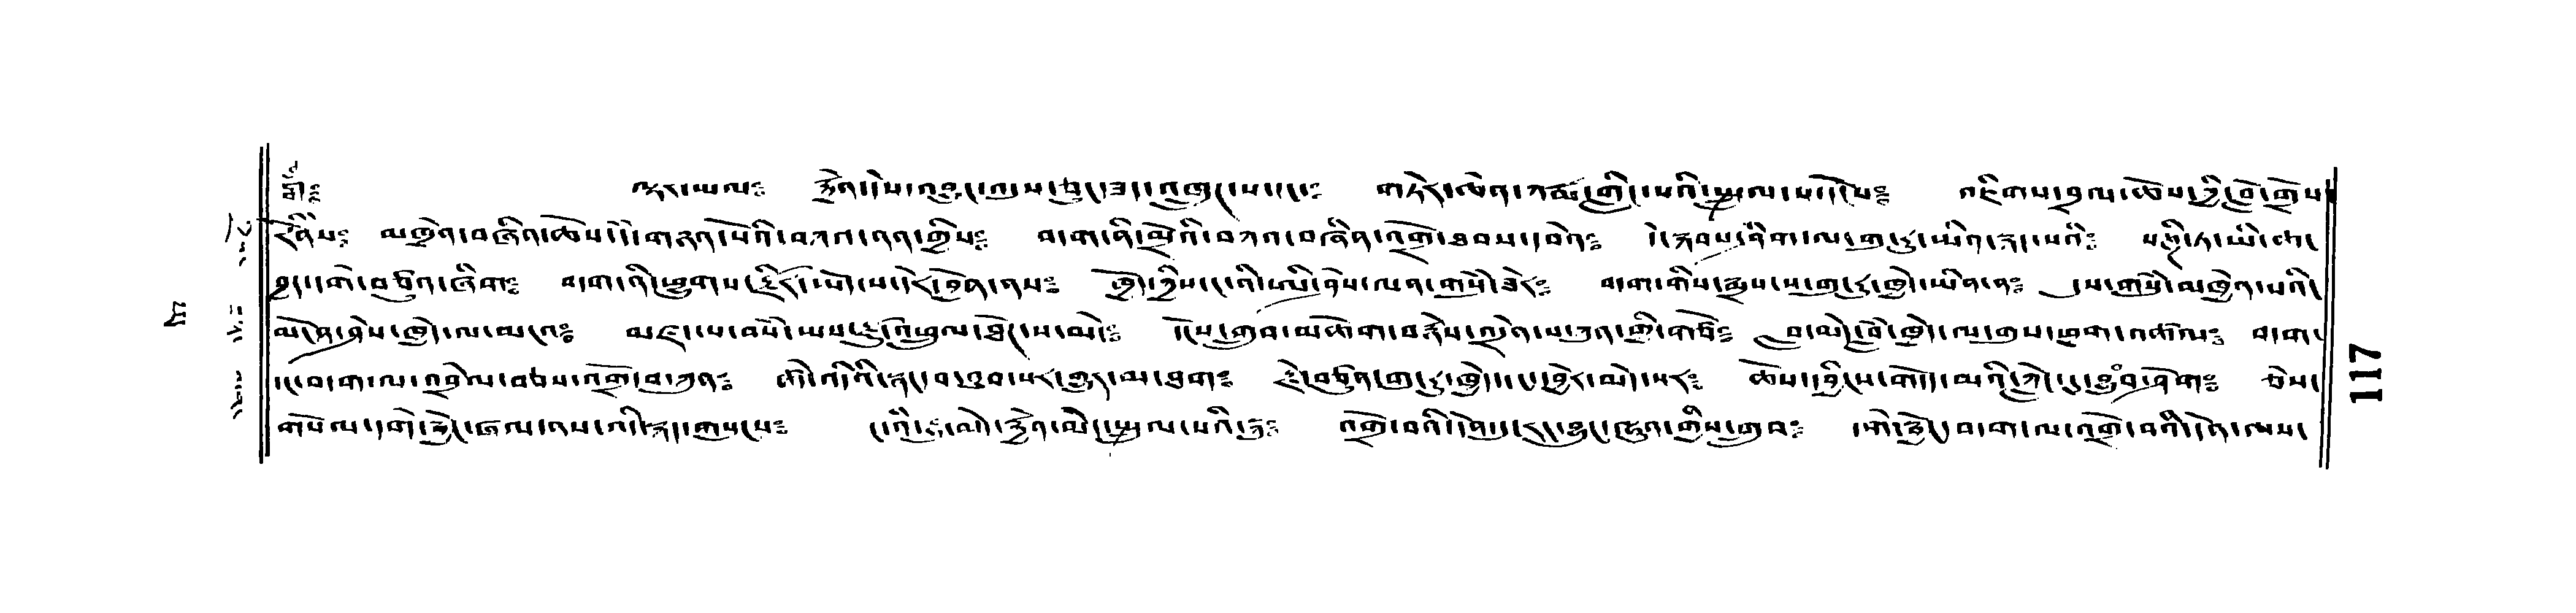ལྟར་ཡལ༔ རྐྱེན་དེས་འབྱུང་འདུས་ཅུང་ཟད་འཁྲུགས་པ་དང༔ གཏེར་ཆེན་ཀརྨ་གླིང་པའི་སྤྲུལ་པ་དངོས༔ འཇིགས་བྲལ་ཆོས་ཀྱི་བློ་གྲོས་
རིན་པོ་ཆེས༔ མཁྱེན་བཞིན་ཆོས་དམ་གཉན་པོའི་བཀའ་ནན་གྱིས༔ བདག་ནི་མཁའ་འགྲོའི་བཀའ་བཞིན་འགྲོ་ཐབས་དབེན༔ དེ་སྐབས་ཤིག་ལ་གུ་རུ་ཡིན་སྐད་པའི༔ པཎྜི་ཏ་ཡི་ཆ་
བྱད་དགེ་བཙུན་ཞིག༔ བདག་ནི་ཕྱུགས་རྫིར་ཡོད་པ་དེར་བྱོན་ནས༔ ཁྱོད་ཀྱིས་ང་ནི་ཨེ་ཤེས་ལན་གསུམ་ཟེར༔ བདག་གིས་སྨྲས་པ་གུ་རུ་ཁྱེད་ཡིན་ན༔ དུས་གསུམ་མཁྱེན་པའི་
མངོན་ཤེས་ཁྱེད་ལ་མངའ༔ མཛད་པ་བསམ་ཡས་རྫུ་འཕྲུལ་ཐོགས་པ་མེད༔ དངོས་གྲུབ་མཆོག་བརྙེས་འདྲེན་པ་ཀུན་གྱི་གཙོ༔ བླ་མེད་བླ་མ་ཁྱེད་ལ་གུས་ཕྱག་འཚལ༔ བདག་
དང་བདག་ལ་འབྲེལ་བཅས་འགྲོ་བ་ཀུན༔ ཚེ་འདིའི་སྣང་བ་ནུབ་པར་གྱུར་མ་ཐག༔ རྗེ་བཙུན་གུ་རུ་ཁྱེད་དང་དབྱེར་མེད་པར༔ ཆོས་དབྱིངས་གདོད་མའི་ཀློང་དུ་བྱང་ཆུབ་ཤོག༔ ཅེས་
གསོལ་དགེ་སྦྱོང་ཞལ་ནས་འདི་སྐད་གསུངས༔ ང་ནི་རྒྱུ་མེད་རྐྱེན་མེད་སྤྲུལ་པའི་སྐུ༔ འགྲོ་བའི་དོན་དུ་རང་བྱུང་ལྷུན་གྱིས་གྲུབ༔ དགེ་སྦྱོང་བདག་ལ་འགྲོ་བའི་དོན་ལས་